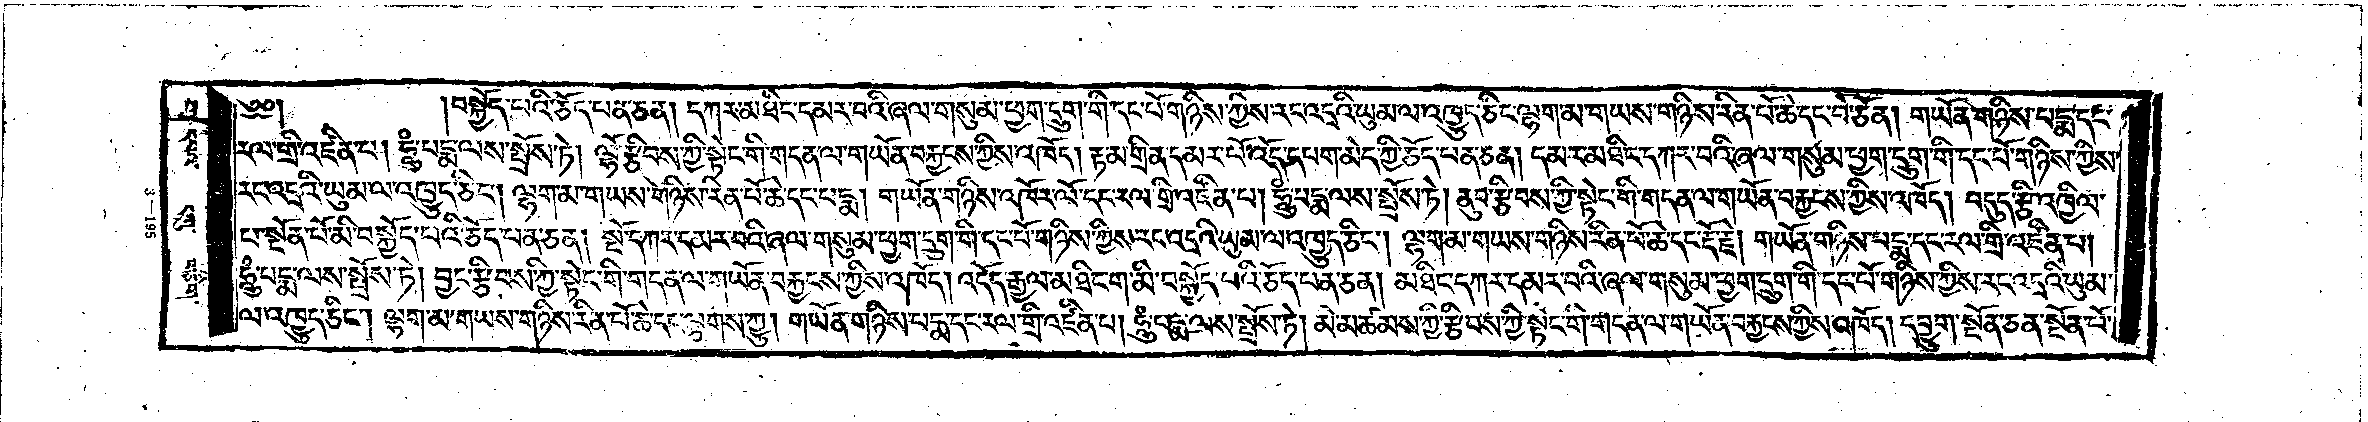༄༅། །བསྐྱོད་པའི་ཅོད་པཎ་ཅན། དཀར་མཐིང་དམར་བའི་ཞལ་གསུམ་ཕྱག་དྲུག་གི་དང་པོ་གཉིས་ཀྱིས་རང་དྲའི་ཡུམ་ལ་འཁྱུད་ཅིང་ལྷག་མ་གཡས་གཉིས་རིན་པོ་ཆེ་དང་བེ་ཅོན། གཡོན་གཉིས་པདམ་དང་
རལ་གྲི་འཛིན་པ། ཧཱུཾ་པདམ་ལས་སྤྲོས་ཏེ། ལྷོ་རྩིབས་ཀྱི་སྟེང་གི་གདན་ལ་གཡོན་བརྐྱངས་ཀྱིས་འཁོད། རྟ་མགྲིན་དམར་པོ་འོད་དཔར་མེད་ཀྱི་ཅོད་པན་ཅན། དམར་མཐིང་དཀར་བའི་ཞལ་གསུམ་ཕྱག་དྲུག་གི་དང་པོ་གཉིས་ཀྱིས་
རང་འདྲའི་ཡུམ་ལ་འཁྱུད་ཅིང་། ལྷག་མ་གཡས་གཉིས་རིན་པོ་ཆེ་དང་པདམ། གཡོན་གཉིས་འཁོར་ལོ་དང་རལ་གྲི་འཛིན་པ། ཧཱུཾ་པདམ་ལས་སྤྲོས་ཏེ། ནུབ་རྩིབས་ཀྱི་སྟེང་གི་གདན་ལ་གཡོན་བརྐྱངས་ཀྱིས་འཁོད། བདུད་རྩི་འཁྱིལ་
པ་སྔོན་པོ་མི་བསྐྱོད་པའི་ཅོད་པན་ཅན། སྔོ་དཀར་དམར་བའི་ཞལ་གསུམ་ཕྱག་དྲུག་གི་དང་པོ་གཉིས་ཀྱིས་རང་འདྲའི་ཡུམ་ལ་འཁྱུད་ཅིང་། ལྷག་མ་གཡས་གཉིས་རིན་པོ་ཆེ་དང་རྡོ་རྗེ། གཡོན་གཉིས་པདམ་དང་རལ་གྲི་འཛིན་པ།
ཧཱུཾ་པདམ་ལས་སྤྲོས་ཏེ། བྱང་རྩིབས་ཀྱི་སྟེང་གི་གདན་ལ་གཡོན་བརྐྱངས་ཀྱིས་འཁོད། འདོད་རྒྱལ་མཐིང་ག་མི་བསྐྱོད་པའི་ཅོད་པན་ཅན། མཐིང་དཀར་དམར་བའི་ཞ་གསུམ་ཕྱག་དྲུག་གི་དང་པོ་གཉིས་ཀྱིས་རང་འདྲའི་ཡུམ་
ལ་འཁྱུད་ཅིང་། ལྷག་མ་གཡས་གཉིས་རིན་པོ་ཆེ་དང་ལྕག་སྐྱུ། གཡོན་པདམ་དང་རལ་གྲི་འཛིན་པ། ཧཱུཾ་པདམ་ལས་སྤྲོས་ཏེ། མེ་མཚམས་ཀྱི་རྩིབས་ཀྱི་སྟེང་གི་གདན་ལ་གཡོན་བརྐྱངས་ཀྱིས་འཁོད། དབྱུག་སྔོན་ཅན་སྔོན་པོ་